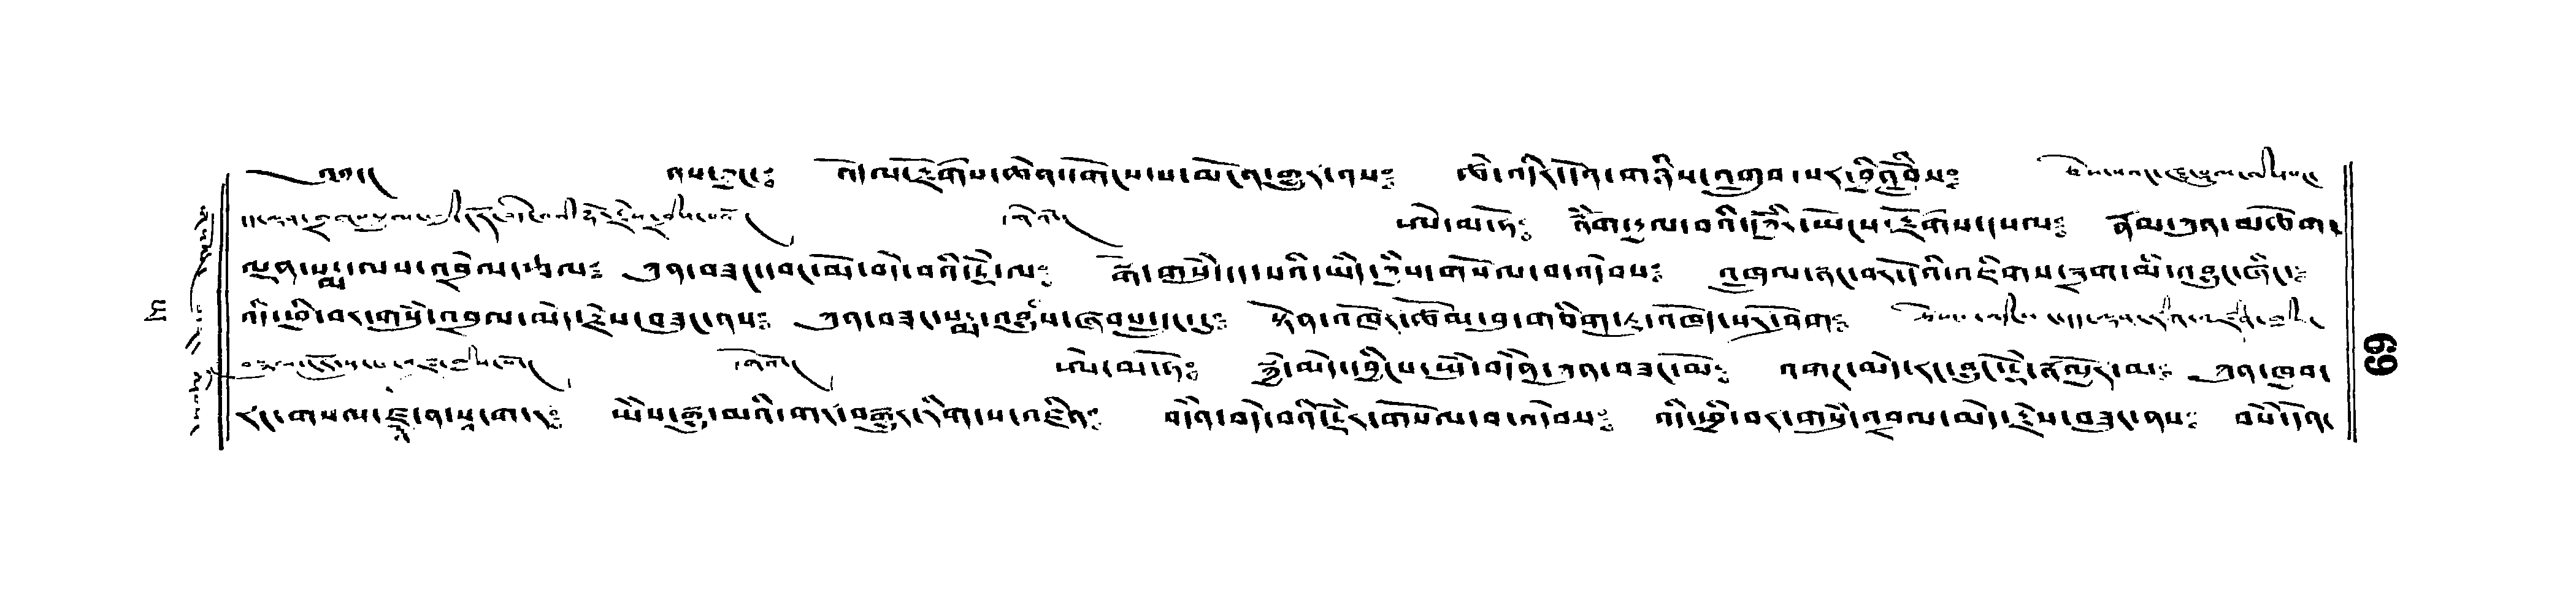ནས་ཀྱང༔ འོད་གསལ་རྫོགས་ཆེན་དགོངས་པ་མངོན་གྱུར་ནས༔ ཚེ་འདིར་དོན་གཉིས་འགྲུབ་པར་བྱིན་གྱིས་རློབས༔ ཅེས་པའང་ཝ་ཤུལ་མི་དབང་
དད་ལྡན་གྲགས་རྒྱལ་གྱི་ངོར་བདེ་བའི་རྡོ་རྗེས་བྲིས་པའོ།། ཨེ་མ་ཧོཿ རྣམ་དག་རྒྱལ་བའི་དཀྱིལ་འཁོར་ཡོངས་རྫོགས་དཔལ༔ རྣམ་ཀུན་མཆོག་
ལྡན་པདྨ་ལས་འབྲེལ་རྩལ༔ ཀུན་བཟང་དབང་མོ་བདེ་བའི་རྡོ་རྗེ་ལ༔ སྒོ་གསུམ་དད་པའི་ཡིད་ཀྱིས་གསོལ་བ་འདེབས༔ འཁྲུལ་སྣང་བར་དོའི་འཇིགས་སྐྲག་མི་འབྱུང་ཞིང༔ 
འདི་ཕྱི་བར་གསུམ་འབྲལ་མེད་རྗེས་བཟུང་ནས༔ ཀུན་བཟང་པདྨ་འབྱུང་གནས་ཞབས་དྲུང་དུ༔ སྟོན་འཁོར་ཚོམ་བུ་གཅིག་ཏུ་འཁོད་པར་ཤོག༔ ཅེས་པ་འདི་ཡང་དད་ལྡན་རིག་འཛིན་གྱིས་
བསྐུལ་ངོར་སུ་ཁ་བཛྲ་གྱིས་སོ།། ཨེ་མ་ཧོ༔ སྐྱེ་མེད་དབྱིངས་ཡུམ་བདེ་ཆེན་ཀུན་བཟང་མོ༔ འགགས་མེད་རང་བྱུང་རྡོ་རྗེ་རྣལ་འབྱོར་མ༔ ཀུན་ཁྱབ་
རང་གསལ་ཛྙཱ་ན་སཱ་ག་ར༔ ཡེ་ཤེས་སྒྱུ་མའི་གར་བསྒྱུར་རིག་པ་འཛིན༔ བདེ་ཆེན་བདེ་བའི་རྡོ་རྗེར་གསོལ་བ་འདེབས༔ འདི་ཕྱི་བར་གསུམ་འབྲལ་མེད་རྗེས་བཟུང་ནས༔ བསམ་དོན་